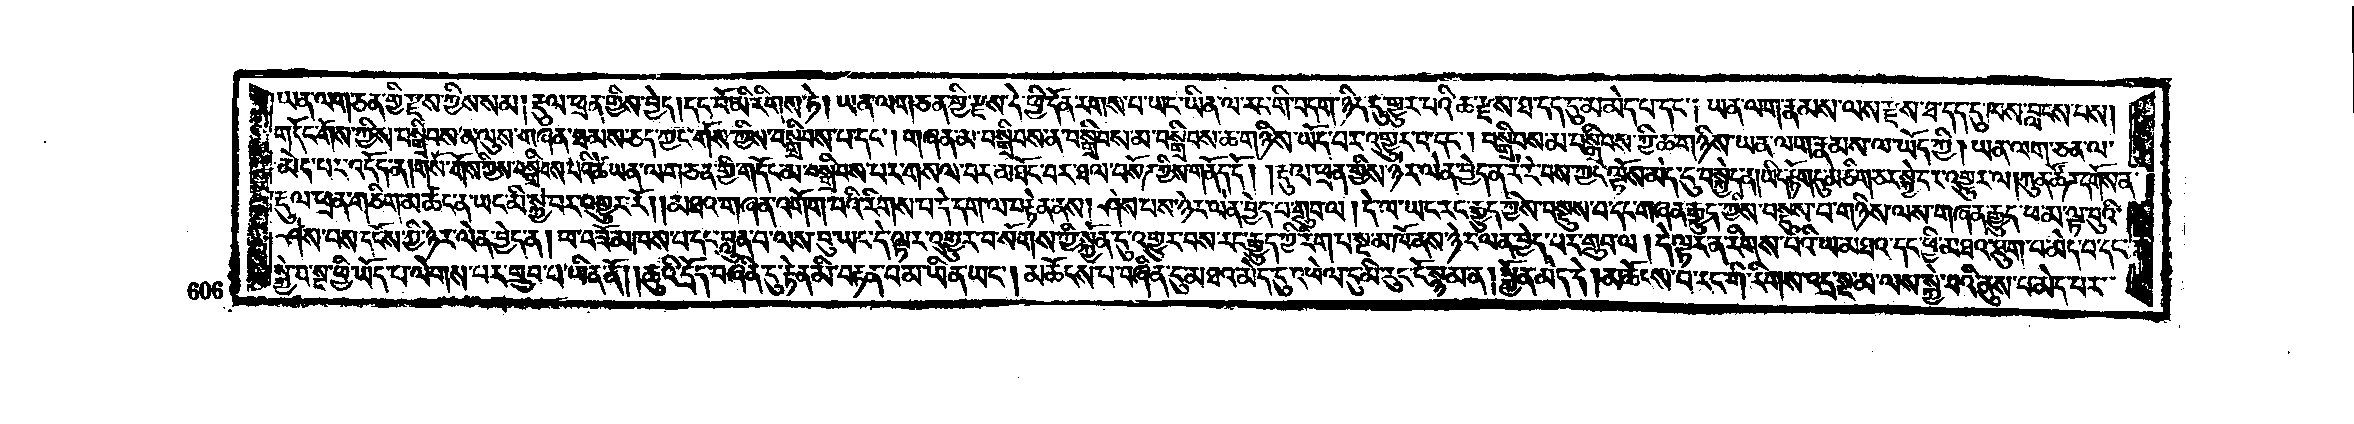ཡན་ལག་ཅང་ཡི་རྫས་ཀྱིས་སམ། རྡུལ་ཕྲན་གྱིས་བྱེད། དང་པོ་མི་རིགས་ཏེ། ཡན་ལག་ཅན་གྱི་རྫས་དེ་ཕྱི་དོན་རགས་པ་ཡང་ཡིན་ལ་རང་གི་བདག་ཉིད་དུ་གྱུར་པའི་ཚེ་རྫས་ཐ་དད་དུ་མ་མེད་པ་དང་། ཡན་ལག་རྣམས་ལས་རྫས་ཐ་དད་དུ་ཁས་བློངས་པས།
གདོང་གོས་ཀྱིས་བསྒྲིབས་ན་ལུས་གཞན་ཐམས་ཅད་ཀྱང་གོས་ཀྱིས་བསྒྲིབས་པ་དང་། གཞན་མ་བསྒྲིབས་ན་བསྒྲིབས་མ་བསྒྲིབས་ཆ་གཉིས་ཡོད་པར་འགྱུར་བ་དང་། བསྒྲིབས་མ་བསྒྲིབས་ཀྱི་ཆ་གཉིས་ཡན་ལག་རྣམས་ལ་ཡོད་ཀྱི། ཡན་ལག་ཅན་ལ་
མེད་པར་འདོད་ན། གསོ་གོས་ཀྱིས་བསྒྲིབས་པའི་ཚེ་ཡན་ལག་ཅན་གྱི་གདོང་མ་བསྒྲིབས་པར་གསལ་བར་མཐོང་བར་ཐལ་པ་སོགས་ཀྱིས་གནོད་དོ། །རྡུལ་ཕྲན་གྱིས་ཉེར་ལེན་བྱེད་ན་རེ་རེ་བས་ཀྱང་ལྟོས་མེད་དུ་བསྐྱེད་ན། ཡིད་རྟོག་དུ་མ་ཅིག་ཅར་སྐྱེ་བར་འགྱུར་ལ། ཀུན་ཚོགས་དགོས་ན་
རྡུལ་ཕྲན་གཅིག་མ་ཚང་ན་ཡང་མི་སྐྱེ་བར་འགྱུར་རོ། །མཐའ་གཞན་འགོག་པའི་རིགས་པ་དེ་དག་ལ་བརྟེན་ནས། ཤེས་པས་ཉེར་ལེན་བྱེད་པ་གྲུབ་ལ། དེ་ལ་ཡང་རང་རྒྱུད་ཀྱིས་བསྡུས་པ་དང་གཞན་རྒྱུད་ཀྱིས་བསྡུས་པ་གཉིས་ལས་གཞན་རྒྱུད་ཕ་མ་ལྟ་བུའི་
ཤེས་པས་དངོས་ཀྱི་ཉེར་ལེན་བྱེད་ན། ཕ་བཟོ་མཁས་པ་དང་བླུན་བ་ལས་བུ་ཡང་དེ་ལྟར་འགྱུར་བ་སོགས་ཀྱི་སྐྱོན་དུ་འགྱུར་བས་རང་རྒྱུད་ཀྱི་རིག་པ་སྔ་མ་ཁོ་ནས་ཉེར་ལན་བྱེད་པར་གྲུབ་ལ། དེ་ལྟར་ན་རིགས་པའི་ཡ་མཐའ་དང་ཕྱི་མཐའ་ཐུག་པ་མེད་པ་དང་
སྐྱེ་བ་སྔ་ཕྱི་ཡོད་པ་ལེགས་པར་གྲུབ་པ་ཡིན་ནོ། །ཆུའི་དྲོད་བཞིན་དུ་རྟེན་མི་བརྟན་པ་མ་ཡིན་ཡང་། མཚོངས་པ་བཞིན་དུ་མཐའ་མེད་དུ་འཕེལ་དུ་མི་རུང་ངོ་སྙམ་ན། སྐྱོན་མེད་དེ། མཚོངས་པ་རང་གི་རིགས་འདྲ་སྔ་མ་ལས་སྐྱེ་བའི་ནུས་པ་མེད་པར་